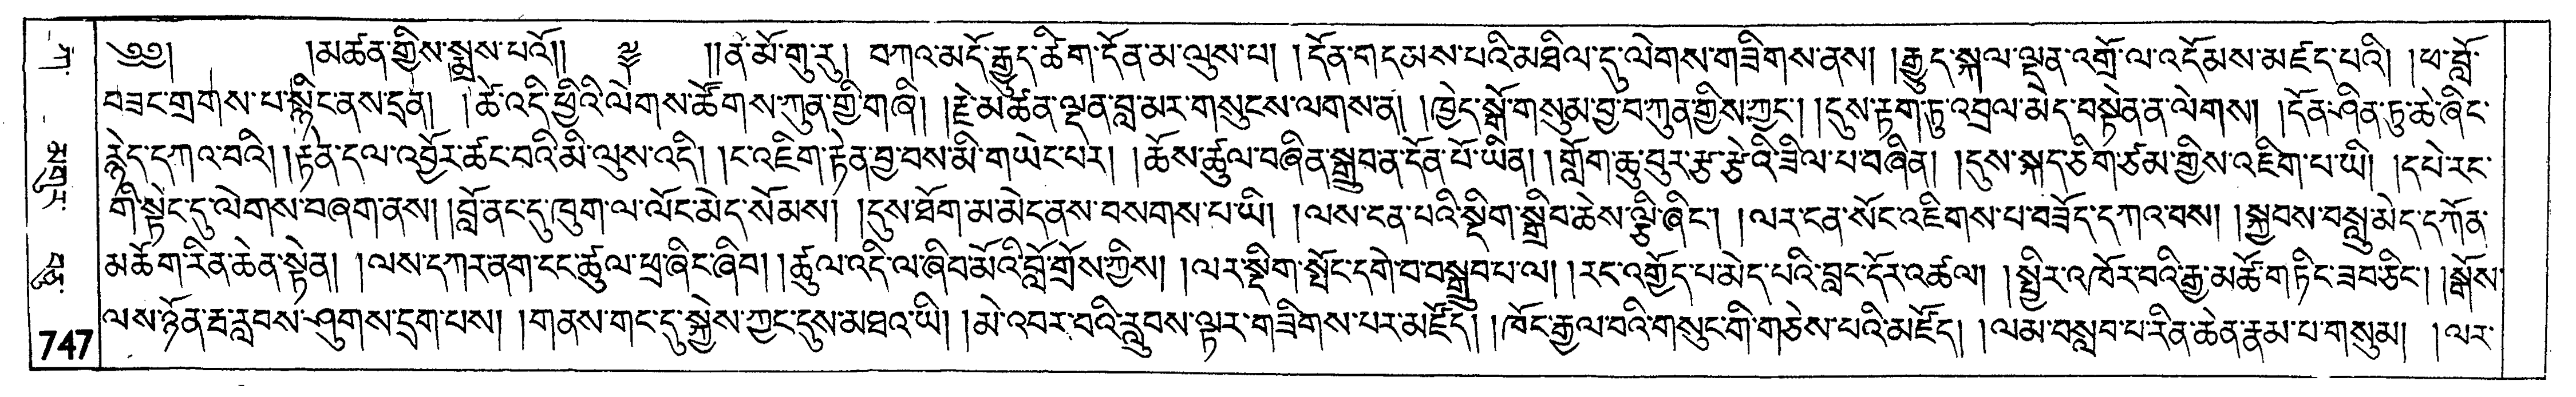༄༅། །མཚན་གྱིས་སྨྲས་པའོ།། ༈ །།ན་མོ་གུ་རུ། བཀའ་མདོ་རྒྱུད་ཚིག་དོན་མ་ལུས་པ། །དོན་གདམས་པའི་མཐིལ་དུ་ལེགས་གཟིགས་ནས། །རྒྱུད་སྐལ་ལྡན་འགྲོ་ལ་འདོམས་མཛད་པའི། །ཕ་བློ་བཟང་གྲགས་པ་སྙིང་ནས་དྲན། །ཚེ་འདི་ཕྱིའི་ལེགས་ཚོགས་ཀུན་གྱི་གཞི། །རྗེ་མཚན་ལྡན་བླ་མར་གསུངས་ལགས་ན། །ཁྱེད་སྒོ་གསུམ་བྱ་བ་ཀུན་གྱིས་ཀྱང་། །དུས་རྟག་ཏུ་འབྲལ་མེད་བསྟེན་ན་ལེགས། །དོན་ཤིན་ཏུ་ཆེ་ཞིང་
རྙེད་དཀའ་བའི། །རྟེན་དལ་འབྱོར་ཚང་བའི་མི་ལུས་འདི། །ང་འཇིག་རྟེན་བྱ་བས་མི་གཡེང་པར། །ཆོས་ཚུལ་བཞིན་སྒྲུབ་ན་དོན་པོ་ཡིན། །གློག་ཆུ་བུར་རྩ་རྩེའི་ཟིལ་པ་བཞིན། །དུས་སྐད་ཅིག་ཙམ་གྱིས་འཇིག་པ་ཡི། །དཔེ་རང་
གི་སྟེང་དུ་ལེགས་བཞག་ནས། །བློ་ནང་དུ་ཁུག་ལ་ལོང་མེད་སོམས། །དུས་ཐོག་མ་མེད་ནས་བསགས་པ་ཡི། །ལས་ངན་པའི་སྡིག་སྒྲིབ་ཆེས་ལྕི་ཞིང་། །ལར་ངན་སོང་འཇིགས་པ་བཟོད་དཀའ་བས། །སྐྱབས་བསླུ་མེད་དཀོན་
མཆོག་རིན་ཆེན་སྟེན། །ལས་དཀར་ནག་ངང་ཚུལ་ཕྲ་ཞིང་ཞིབ། །ཚུལ་འདི་ལ་ཞིབ་མོའི་བློ་གྲོས་ཀྱིས། །ལར་སྡིག་སྤོང་དགེ་བ་བསྒྲུབ་པ་ལ། །རང་འགྱོད་པ་མེད་པའི་བླང་དོར་འཚལ། །སྤྱིར་འཁོར་བའི་རྒྱ་མཚོ་གཏིང་ཟབ་ཅིང་། །སྒོས་
ལས་ཉོན་རྦ་རླབས་ཤུགས་དྲག་པས། །གནས་གང་དུ་སྐྱེས་ཀྱང་དུས་མཐའ་ཡི། །མེ་འབར་བའི་རླུབས་ལྟར་གཟིགས་པར་མཛོད། །ཁོང་རྒྱལ་བའི་གསུང་གི་གཅེས་པའི་མཛོད། །ལམ་བསླབ་པ་རིན་ཆེན་རྣམ་པ་གསུམ། །ལར་